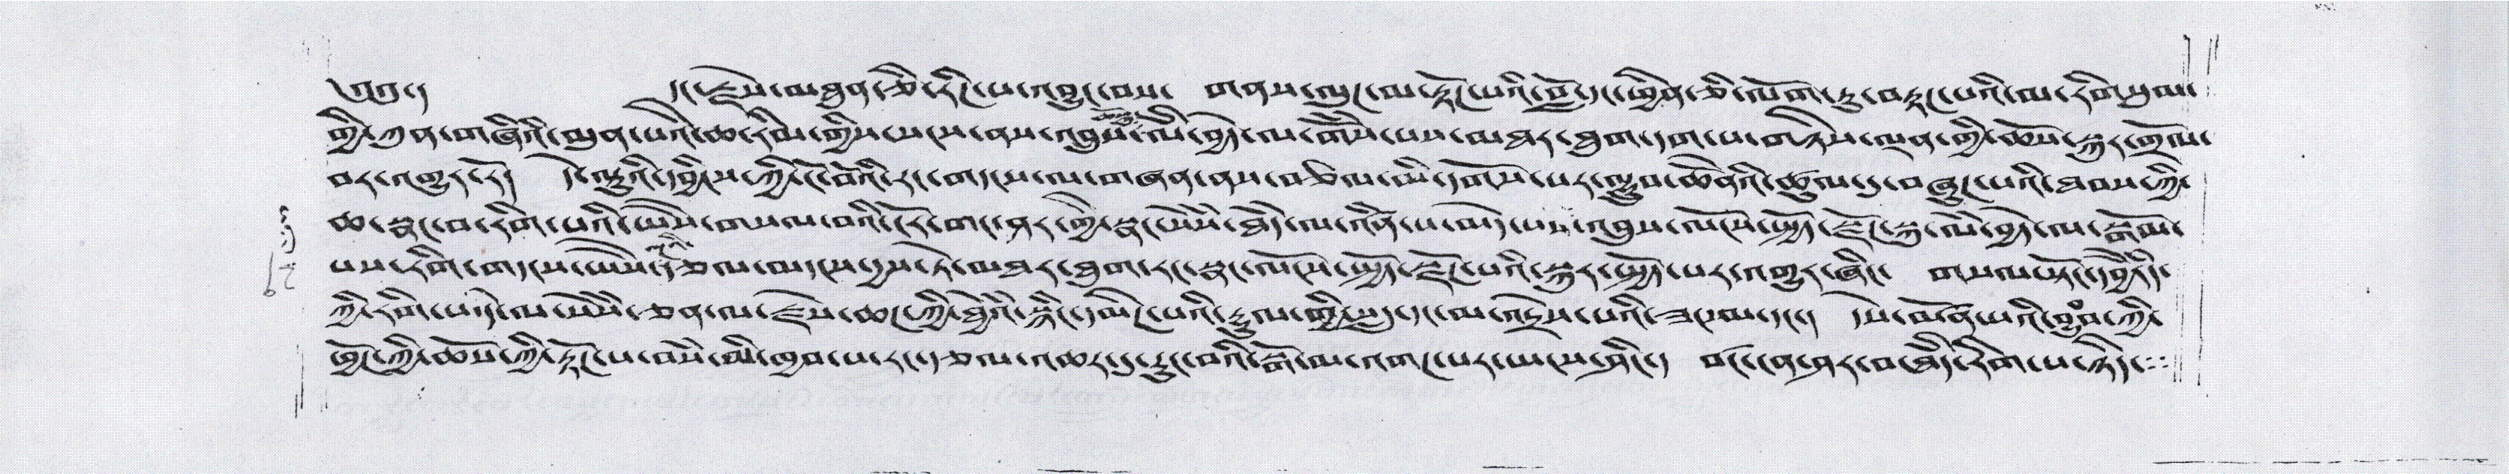དང་རྗེས་མཐུན་ཅི་རིགས་པ་འབྱུང་བས་གནས་ལུགས་མ་རྟོགས་པའི་བློ་དང་ཕྱིན་ཅི་ལོག་ཏུ་བརྟགས་པའི་མ་རིག་གསུམ་
གྱི་ཀུན་གཞིའི་མུན་པའི་ཆ་རིམ་གྱིས་སངས་ནས་འབྲས་བུ་ཆོས་སྐུ་ལམ་བྱེད་ལ་གོམས་པས་མཐར་ཐུག་དག་པ་གཉིས་ལྡན་གྱི་ཆོས་སྐུར་གྲོལ་
བར་འགྱུར་རོ། དེ་ལྟ་བུའི་དབྱིངས་ཀྱི་ངོ་བོའི་རང་གདངས་ལ་གཞན་ནས་བཙལ་མི་དགོས་པར་ལྷུན་གྲུབ་ཆེན་པོའི་ཚུལ་དུ་བཞུགས་པའི་ཐབས་ཀྱི་
ཆ་སྣང་བ་རིག་པའི་ཡེ་ཤེས་གསལ་བའི་ངོར་གང་ཤར་གྱི་སྣང་སེམས་ཐམས་ཅད་ལ་འཛིན་པ་མེད་པས་འབྲས་བུ་ལོངས་སྤྱོད་རྫོགས་པའི་སྐུ་ལམ་བྱེད་ལ་སྒོམ་
པས་རིག་གདངས་ཡེ་ཤེས་ཙལ་མདངས་རྒྱས་ཏེ་མཐར་ཏེ་མཐར་ཐུག་རང་སྣང་ལོངས་སྤྱོད་རྫོགས་པའི་སྐུར་སྤྱོད་པར་འགྱུར་ཞིང་། གསལ་སྟོང་དབྱེར་མེད་
ཀྱི་རིག་པ་དེ་ལ་སེམས་ཅན་ལ་རྗེས་ཆགས་ཀྱི་ཐུགས་རྗེའི་སྙིང་དམིགས་པའི་རྡུལ་གྱིས་སླད་དང་མ་འདྲེས་པའི་ཟང་མ་དང་། དེས་མཚོན་པའི་བྱང་ཆུབ་ཀྱི་
ཕྱོགས་ཀྱི་ཆོས་རྟོགས་པ་བསམ་མི་ཁྱབ་པ་རང་རྩལ་འཆར་དུ་རུང་བའི་སྒོ་མ་འགག་པར་ཡངས་ཤིང་། བཟང་ངན་ཤར་བ་ཐམས་ཅད་རིག་པ་ཉིད་